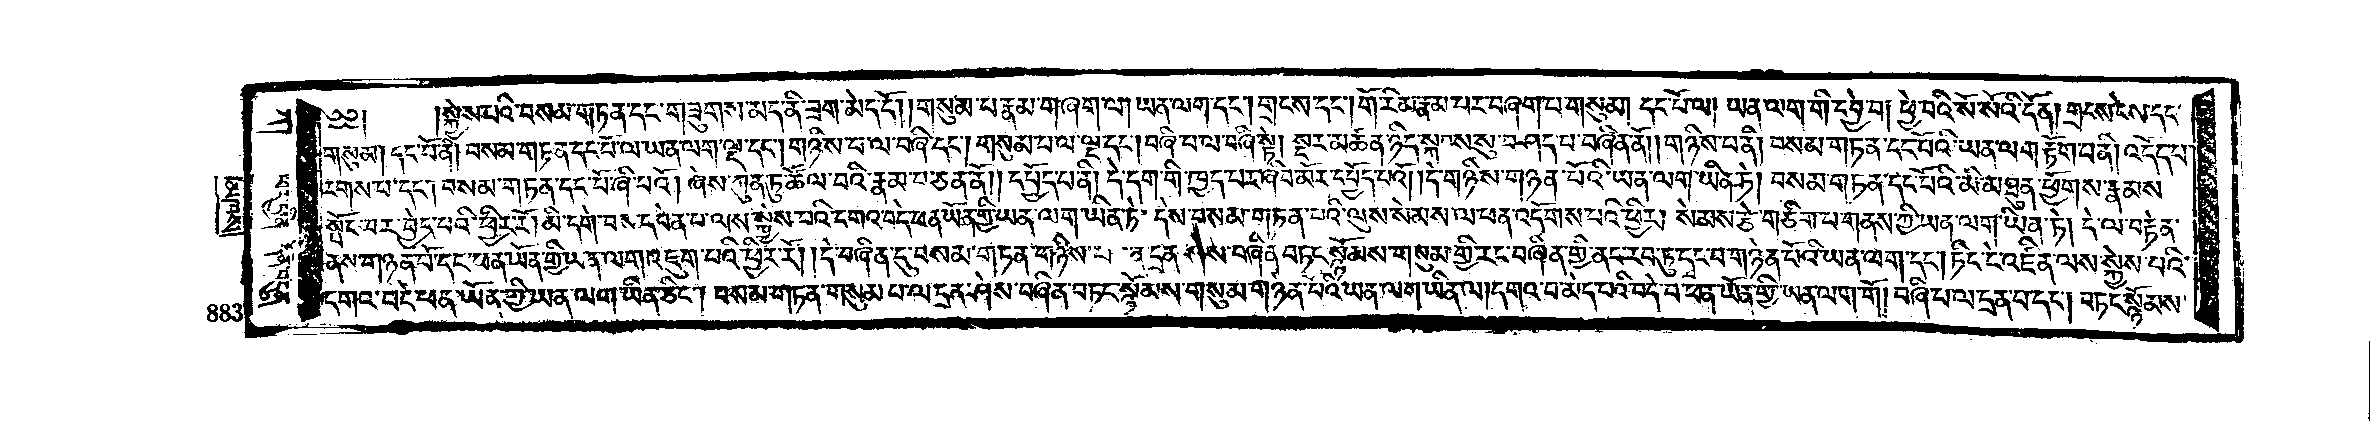༄༅། །སྐྱེས་པའི་བསམ་གཏན་དང་གཟུགས་མེད་ནི་ཟག་མེད་དོ། །གསུམ་པ་རྣམ་གཞག་ལ། ཡན་ལག་དང་། གྲངས་དང་། གོ་རིམ་རྣམ་པར་བཞག་པ་གསུམ། དང་པོ་ལ། ཡན་ལག་གི་དབྱེ་བ། ཕྱེ་བའི་སོ་སོའི་དོན། གྲངས་ངེས་དང་
གསུམ༑ དང་པོ་ནི། བསམ་གཏན་དང་པོ་ལ་ཡན་ལག་ལྔ་དང་། གཉིས་པ་ལ་བཞི་དང་། གསུམ་པ་ལ་ལྔ་དང་། བཞི་པ་ལ་བཞི་སྟེ། སྔར་མཚན་ཉིད་སྐབས་སུ་བཤད་པ་བཞིན་ནོ། །གཉིས་པ་ནི། བསམ་གཏན་དང་པོའི་ཡན་ལག་རྟོག་པ་ནི། འདོད་པ་
རགས་པ་དང་། བསམ་གཏན་དང་པོ་ཞི་པའོ། །ཞེས་ཀུན་ཏུ་ཚོལ་བའི་རྣམ་པ་ཅན་ནོ། །དཔྱོད་པ་ནི། དེ་དག་གི་ཁྱད་པར་ཞིབ་མོར་དཔྱོད་པའོ། །དེ་གཉིས་གཉན་པོའི་ཡན་ལག་ཡིན་ཏེ། བསམ་གཏན་དང་པོའི་མི་མཐུན་ཕྱོགས་རྣམས་
སྤོང་བར་བྱེད་པའི་ཕྱིར་རོ། །མི་དགེ་བས་དབེན་པ་ལས། སྐྱེས་པའི་དགའ་བདེ་ཕན་ཡོན་གྱི་ཡན་ལག་ཡིན་ཏེ་དེས་བསམ་གཏན་པའི་ལུས་སེམས་ལ་ཕན་འདོགས་པའི་ཕྱིར། སེམས་རྩེ་གཅིག་པ་གནས་ཀྱི་ཡན་ལག་ཡིན་ཏེ། དེ་ལ་བརྟེན་
ནས་གཉན་པོ་དང་ཕན་ཡོན་གྱི་ཡན་ལག་འཇུག་པའི་ཕྱིར་རོ། །དེ་བཞིན་དུ་བསམ་གཏན་གཉིས་པ་ན་དྲན་ཤེས་བཞིན་བཏང་སྙོམས་གསུམ་གྱི་རང་བཞིན་གྱི་ནང་རབ་ཏུ་དྭང་བ་གཉེན་པོའི་ཡན་ལག་དང་། ཏིང་ངེ་འཛིན་ལས་སྐྱེས་པའི་
དགའ་བདེ་ཕན་ཡོན་གྱི་ཡན་ལག་ཡིན་ཅིང་། བསམ་གཏན་གསུམ་པ་ལ་དྲན་ཤེས་བཞིན་བཏང་སྙོམས་གསུམ་གཉེན་པོའི་ཡན་ལག་ཡིན་ལ། དགའ་བ་མེད་པའི་བདེ་བ་ཕན་ཡོན་གྱི་ཡན་ལག་གོ། །བཞི་པ་ལ་དྲན་པ་དང་། བཏང་སྙོམས་